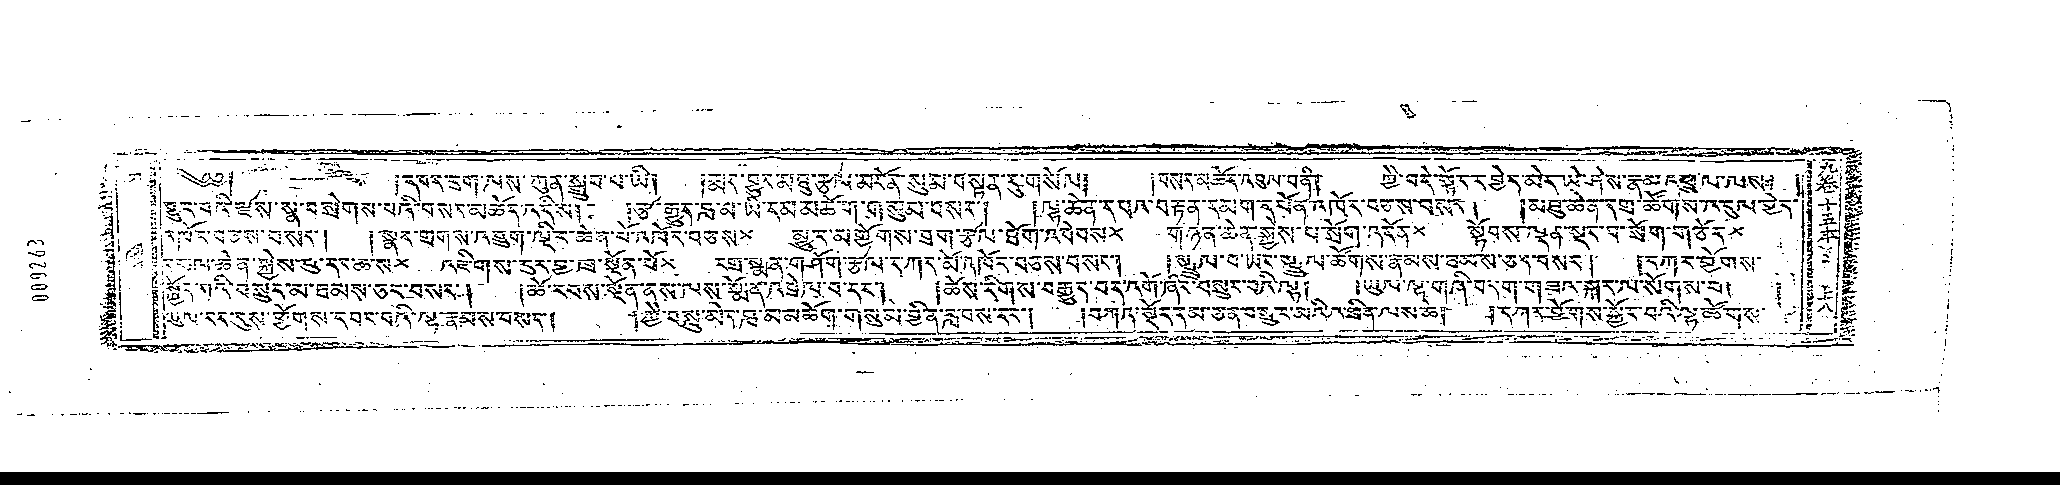༄༅། །དབང་དྲག་ལས་ཀུན་སྒྲུབ་པ་ཡི། །རྨད་བྱུང་མཐུ་རྩལ་མདོན་སུམ་བསྟན་དུ་གསོལ། །བསང་མཆོད་འབུལ་བ་ནི། ཀྱཻ་བདེ་སྟོང་དབྱེར་མེད་ཡེ་ཤེས་རྣམ་འཕྲུལ་ལས། །
བྱུང་བའི་རྫས་སྣ་བསྲེགས་བའི་བསང་མཆོད་འདིས། །རྩ་རྒྱུད་བླ་མ་ཡི་དམ་མཆོག་གསུམ་བསང་། །ལྷ་ཆེན་དཔའ་བརྟན་དམག་དཔོན་འཁོར་བཅས་བསང་། །མཐུ་ཆེན་དགྲ་ཚོགས་འདུལ་བྱེད་
འཁོར་བཅས་བསང་། །སྣད་གྲགས་འབྲུག་ལྡིར་ཆེན་པོ་འཁོར་བཅས་྾་མྱུར་མགྱོགས་དྲག་རྩལ་ཐོག་འབེབས་྾་གཉན་ཆེན་སྐྱེས་བསྲོག་འདོན་྾་སྟོབས་ལྡན་སྡང་པ་སྲོག་གཅོད་྾་
དཔལ་ཆེན་སྐྱེས་བུ་རང་ཆས་྾་འཇིགས་རུང་བྱ་ཁྲ་སྔོན་པོ་྾་དགྲ་སྨན་གཤོག་རྩལ་དཀར་མོ་འཁོར་བཅས་བསང་། །སྤྲུལ་པ་ཡང་སྤྲུལ་ཚོགས་རྣམས་ཐམས་ཅད་བསང་། །དཀར་ཕྱོགས་
སྐྱོང་བའི་བསྲུང་མ་ཐམས་ཅད་བསང་། །ཚེ་རབས་སྔོན་ནས་ལས་སྨོན་འབྲེལ་བ་དང་། །ཆོས་རིགས་བརྒྱུད་པར་འགོ་ཞིང་བསྲུང་བའི་ལྷ། །ཡུལ་ལྷག་ཞི་བདག་གཟའ་སྐར་ལ་སོགས་པ། །
ཡུལ་དང་དུས་ཕྱོགས་དབང་བའི་ལྷ་རྣམས་བསང་། །ཀྱཻ་བསླུ་མེད་བླ་མ་མཆོག་གསུམ་བྱིན་རླབས་དང་། །བཀའ་སྔོ་དམ་ཅན་བསྲུང་མའི་འཕྲིན་ལས་ཆེ། །དཀར་ཕྱོགས་སྐྱོད་བའི་ལྷ་ཚོགས་